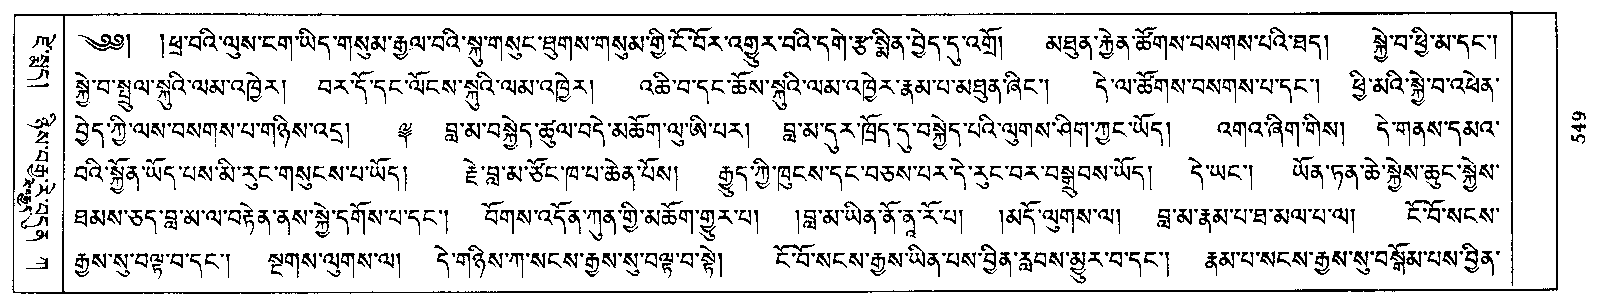༄༅། །ཕྲ་བའི་ལུས་ངག་ཡིད་གསུམ་རྒྱལ་བའི་སྐུ་གསུང་ཐུགས་གསུམ་གྱི་ངོ་བོར་འགྱུར་བའི་དགེ་རྩ་སྨིན་བྱེད་དུ་འགྲོ། མཐུན་རྐྱེན་ཚོགས་བསགས་པའི་ཐད། སྐྱེ་བ་ཕྱི་མ་དང་།
སྐྱེ་བ་སྤྲུལ་སྐུའི་ལམ་འཁྱེར། བར་དོ་དང་ལོངས་སྐུའི་ལམ་འཁྱེར། འཆི་བ་དང་ཆོས་སྐུའི་ལམ་འཁྱེར་རྣམ་པ་མཐུན་ཞིང་། དེ་ལ་ཚོགས་བསགས་པ་དང་། ཕྱི་མའི་སྐྱེ་བ་འཕེན་
བྱེད་ཀྱི་ལས་བསགས་པ་གཉིས་འདྲ། ༈ བླ་མ་བསྐྱེད་ཚུལ་བདེ་མཆོག་ལུ་ཨི་པར། བླ་མ་དུར་ཁྲོད་དུ་བསྐྱེད་པའི་ལུགས་ཤིག་ཀྱང་ཡོད། འགའ་ཞིག་གིས། དེ་གནས་དམའ་
བའི་སྐྱོན་ཡོད་པས་མི་རུང་གསུངས་པ་ཡོད། རྗེ་བླ་མ་ཙོང་ཁ་པ་ཆེན་པོས། རྒྱུད་ཀྱི་ཁུངས་དང་བཅས་པར་དེ་རུང་བར་བསྒྲུབས་ཡོད། དེ་ཡང་། ཡོན་ཏན་ཆེ་སྐྱེས་ཆུང་སྐྱེས་
ཐམས་ཅད་བླ་མ་ལ་བརྟེན་ནས་སྐྱེ་དགོས་པ་དང་། བོགས་འདོན་ཀུན་གྱི་མཆོག་གྱུར་པ། །བླ་མ་ཡིན་ནོ་ནཱ་རོ་པ། །མདོ་ལུགས་ལ། བླ་མ་རྣམ་པ་ཐ་མལ་པ་ལ། ངོ་བོ་སངས་
རྒྱས་སུ་བལྟ་བ་དང་། སྔགས་ལུགས་ལ། དེ་གཉིས་ཀ་སངས་རྒྱས་སུ་བལྟ་བ་སྟེ། ངོ་བོ་སངས་རྒྱས་ཡིན་པས་བྱིན་རླབས་མྱུར་བ་དང་། རྣམ་པ་སངས་རྒྱས་སུ་བསྒོམ་པས་བྱིན་